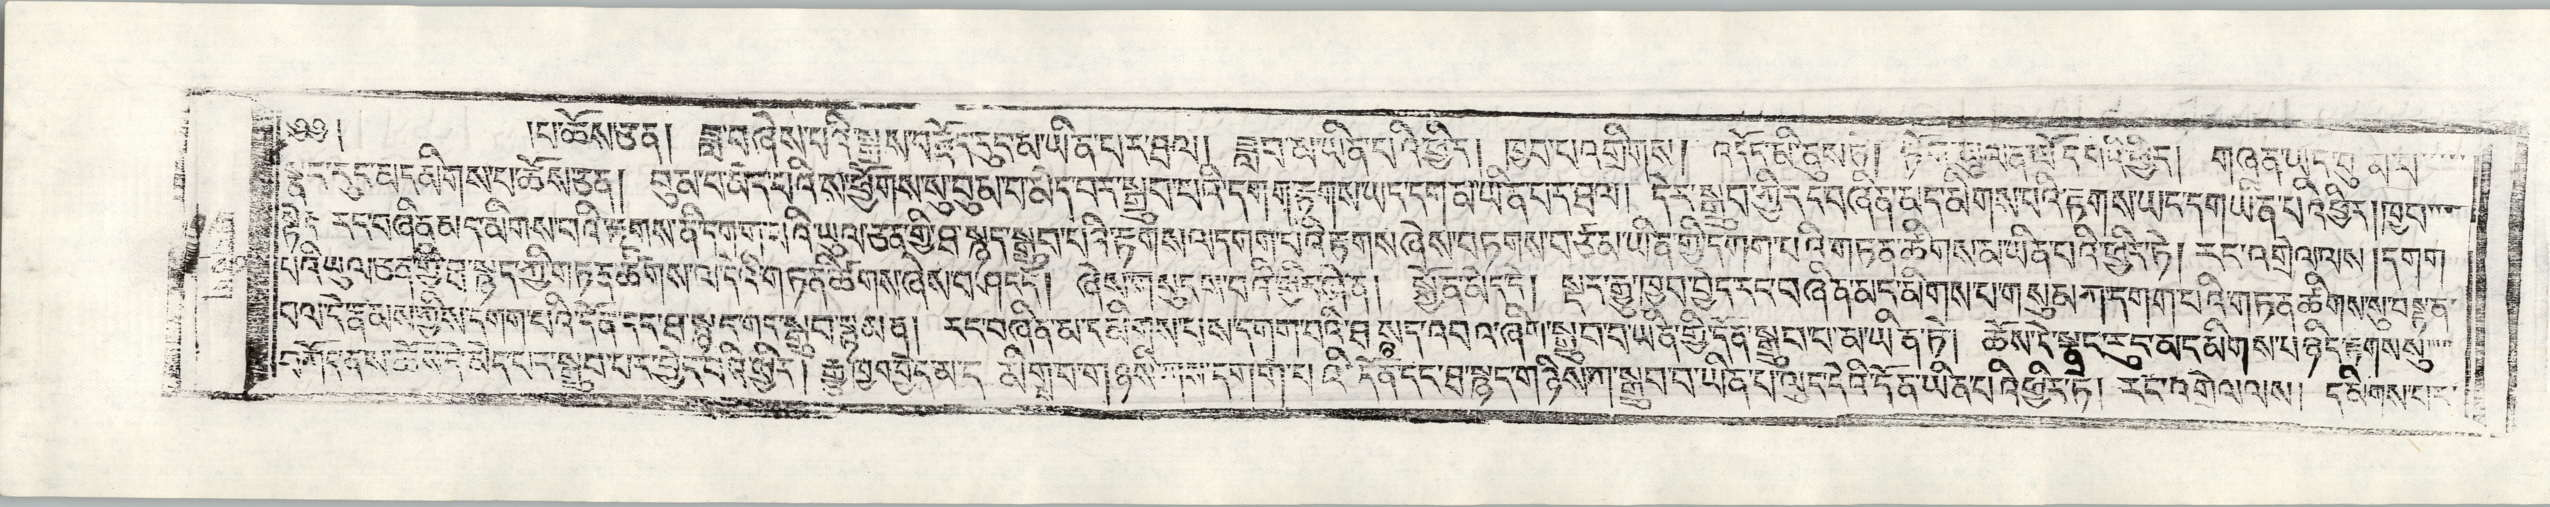༄༅། །པ་ཆོས་ཅན། ཟླ་བ་ཞེས་པའི་སྒྲས་བརྗོད་རུང་མ་ཡིན་པར་ཐལ། ཟླ་བ་མ་ཡིན་པའི་ཕྱིར། ཁྱབ་པ་འགྲིགས། འདོད་མི་ནུས་ཏེ། རྟོག་ཡུལ་ན་ཡོད་པའི་ཕྱིར། གཞན་ཡང་བུམ་པ་
སྣང་རུང་མ་དམིགས་པ་ཆོས་ཅན། བུམ་པ་མེད་པའི་ས་ཕྱོགས་སུ་བུམ་པ་མེད་པར་སྒྲུབ་པའི་དགག་རྟགས་ཡང་དག་མ་ཡིན་པར་ཐལ། དེར་སྒྲུབ་ཀྱི་རང་བཞིན་མ་དམིགས་པའི་རྟགས་ཡང་དག་ཡིན་པའི་ཕྱིར། ཁྱབ་
སྟེ། རང་བཞིན་མ་དམིགས་པའི་རྟགས་ནི་དགག་པའི་ཡུལ་ཅན་གྱི་ཐ་སྙད་སྒྲུབ་པའི་རྟགས་ལ་དགག་པའི་རྟགས་ཞེས་བཏགས་པ་ཙམ་ཡིན་གྱི་དགག་པའི་གཏན་ཚིགས་མ་ཡིན་པའི་ཕྱིར་ཏེ། རང་འགྲེལ་ལས། དགག་
པའི་ཡུལ་ཅན་གྱི་ཐ་སྙད་ཀྱི་གཏན་ཚིགས་ལ་དེའི་གཏན་ཚིགས་ཞེས་བཤད་དོ། ཞེས་གསུངས་པའི་ཕྱིར་ཞེ་ན། སྐྱོན་མེད་དེ། སྔར་རྒྱུ་ཁྱབ་བྱེད་རང་བཞིན་མ་དམིགས་པ་གསུམ་ག་དགག་པའི་གཏན་ཚིགས་སུ་བསྟན་
པ་ལ་དེ་རྣམས་ཀྱིས་དགག་པའི་དོན་དང་ཐ་སྙད་གང་སྒྲུབ་སྙམ་ན། རང་བཞིན་མ་དམིགས་པས་དགག་པའི་ཐ་སྙད་འབའ་ཞིག་སྒྲུབ་པ་ཡིན་གྱི་དོན་སྒྲུབ་པ་མ་ཡིན་ཏེ། ཆོས་དེ་སྣང་རུང་མ་དམིགས་པ་ཉིད་རྟགས་སུ་
བཀོད་ནས་ཆོས་དེ་མེད་པར་སྒྲུབ་པར་བྱེད་པའི་ཕྱིར། རྒྱུ་ཁྱབ་བྱེད་མ་དམིགས་པ་གཉིས་ཀྱི་དགག་པའི་དོན་དང་ཐ་སྙད་གཉིས་ཀ་སྒྲུབ་པ་ཡིན་པ་ལུང་དེའི་དོན་ཡིན་པའི་ཕྱིར་ཏེ། རང་འགྲེལ་ལས། དམིགས་པ་